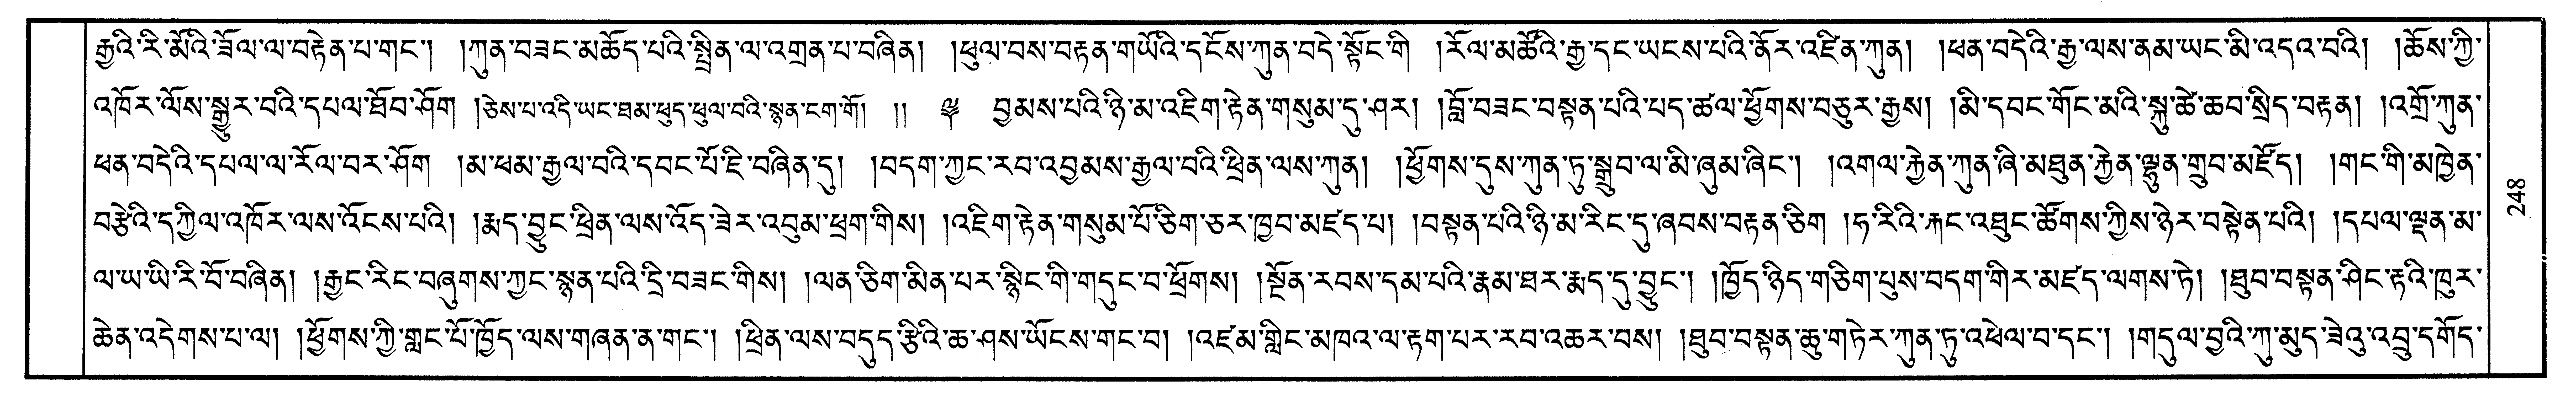རྒྱའི་རི་མོའི་ཟོལ་ལ་བརྟེན་པ་གང་། །ཀུན་བཟང་མཆོད་པའི་སྤྲིན་ལ་འགྲན་པ་བཞིན། །ཕུལ་བས་བརྟན་གཡོའི་དངོས་ཀུན་བདེ་སྟོང་གི །རོལ་མཚོའི་རྒྱ་དང་ཡངས་པའི་ནོར་འཛིན་ཀུན། །ཕན་བདེའི་རྒྱ་ལས་ནམ་ཡང་མི་འདའ་བའི། །ཆོས་ཀྱི་
འཁོར་ལོས་སྒྱུར་བའི་དཔལ་ཐོབ་ཤོག །ཅེས་པ་འདི་ཡང་ཐམ་ཕུད་ཕུལ་བའི་སྙན་ངག་གོ། །། ༈ བྱམས་པའི་ཉི་མ་འཇིག་རྟེན་གསུམ་དུ་ཤར། །བློ་བཟང་བསྟན་པའི་པད་ཚལ་ཕྱོགས་བཅུར་རྒྱས། །མི་དབང་གོང་མའི་སྐུ་ཚེ་ཆབ་སྲིད་བརྟན། །འགྲོ་ཀུན་
ཕན་བདེའི་དཔལ་ལ་རོལ་བར་ཤོག །མ་ཕམ་རྒྱལ་བའི་དབང་པོ་ཇི་བཞིན་དུ། །བདག་ཀྱང་རབ་འབྱམས་རྒྱལ་བའི་ཕྲིན་ལས་ཀུན། །ཕྱོགས་དུས་ཀུན་ཏུ་སྒྲུབ་ལ་མི་ཞུམ་ཞིང་། །འགལ་རྐྱེན་ཀུན་ཞི་མཐུན་རྐྱེན་ལྷུན་གྲུབ་མཛོད། །གང་གི་མཁྱེན་
བརྩེའི་དཀྱིལ་འཁོར་ལས་འོངས་པའི། །རྨད་བྱུང་ཕྲིན་ལས་འོད་ཟེར་འབུམ་ཕྲག་གིས། །འཇིག་རྟེན་གསུམ་པོ་ཅིག་ཅར་ཁྱབ་མཛད་པ། །བསྟན་པའི་ཉི་མ་རིང་དུ་ཞབས་བརྟན་ཅིག །ལྷ་རིའི་རྐང་འཐུང་ཚོགས་ཀྱིས་ཉེར་བསྟེན་པའི། །དཔལ་ལྡན་མ་
ལ་ཡ་ཡི་རི་བོ་བཞིན། །རྒྱང་རིང་བཞུགས་ཀྱང་སྙན་པའི་དྲི་བཟང་གིས། །ལན་ཅིག་མིན་པར་སྙིང་གི་གདུང་བ་ཕྲོགས། །སྔོན་རབས་དམ་པའི་རྣམ་ཐར་རྨད་དུ་བྱུང་། །ཁྱོད་ཉིད་གཅིག་པུས་བདག་གིར་མཛད་ལགས་ཏེ། །ཐུབ་བསྟན་ཤིང་རྟའི་ཁུར་
ཆེན་འདེགས་པ་ལ། །ཕྱོགས་ཀྱི་གླང་པོ་ཁྱོད་ལས་གཞན་ན་གང་། །ཕྲིན་ལས་བདུད་རྩིའི་ཆ་ཤས་ཡོངས་གང་བ། །འཛམ་གླིང་མཁའ་ལ་རྟག་པར་རབ་འཆར་བས། །ཐུབ་བསྟན་ཆུ་གཏེར་ཀུན་ཏུ་འཕེལ་བ་དང་། །གདུལ་བྱའི་ཀུ་མུད་ཟེའུ་འབྲུ་དགོད་